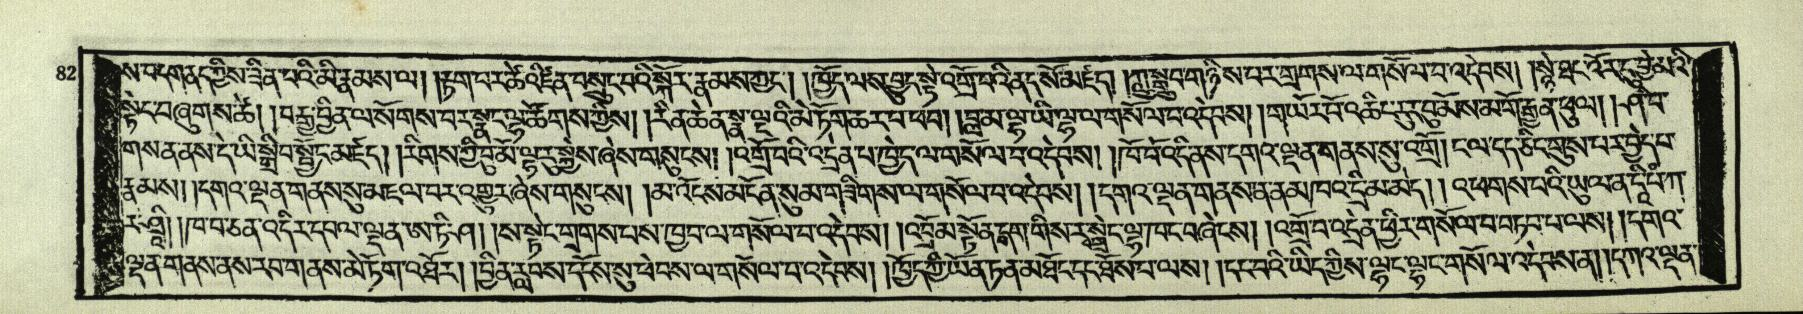ས་བདག་ནད་ཀྱིས་ཟིན་པའི་མི་རྣམས་ལ། །རྟག་པར་ཚེ་འཛིན་བསྲུང་བའི་སྐོར་རྣམས་ཀྱང་། །ཁྱོད་ལས་བྱུང་སྟེ་འགྲོ་བའི་ནད་སོ་མཛད། །ཀླུ་སྒྲུབ་གཉིས་པར་གྲགས་ལ་གསོལ་བ་འདེབས། །སྙེ་ཐང་འོར་དུ་བྱེ་མའི་
སྟེང་བཞུགས་ཚེ། །བརྒྱ་བྱིན་ལ་སོགས་བར་སྣང་ལྷ་ཚོགས་ཀྱིས། །རིན་ཆེན་སྣ་ལྔའི་མེ་ཏོག་ཆར་པ་ཕབ། །བླ་མ་ལྷ་ཡི་ལྷ་ལ་གསོལ་བ་འདེབས། །གཡོར་བོ་འཆིང་རུར་བུ་མོས་མགོ་རྒྱན་ཕུལ། །ཤི་བ་
གསན་ནས་དེ་ཡི་སྒྲིབ་སྦྱོང་མཛད། །རིགས་ཀྱི་བུ་མོ་ལྷ་རུ་སྐྱེས་ཞེས་གསུངས། །འགྲོ་བའི་འདྲེན་པ་ཁྱེད་ལ་གསོལ་བ་འདེབས། །ཁོ་བོ་འདི་ནས་དགའ་ལྡན་གནས་སུ་འགྲོ། ང་ལ་དད་ཅིང་གུས་པར་བྱེད་པ་
རྣམས། །དགའ་ལྡན་གནས་སུ་མཇལ་བར་འགྱུར་ཞེས་གསུངས། །མ་འོངས་མངོན་སུམ་གཟིགས་ལ་གསོལ་བ་འདེབས། །དགའ་ལྡན་གནས་ན་ནམཁའ་དྲི་མ་མེད། །འཕགས་པའི་ཡུལ་ན་དཱི་པཾ་ཀ་
ར་ཤྲཱི། །ཁ་བ་ཅན་འདིར་དཔལ་ལྡན་ཨ་ཏི་ཤ། །ས་སྟེང་གྲགས་པས་ཁྱབ་ལ་གསོལ་བ་འདེབས། །འབྲོམ་སྟོན་བདག་གིས་རྭ་སྒྲེང་ལྷ་ཁང་བཞེངས། །འགྲོ་བ་འདྲེན་ཕྱིར་གསོལ་བ་བཏབ་པ་ལས། །དགའ་
ལྡན་གནས་ནས་རབ་གནས་མེ་ཏོག་འཐོར། །བྱིན་རླབས་དངོས་སུ་ཕེབས་ལ་གསོལ་བ་འདེབས། །ཁྱོད་ཀྱི་ཡོན་ཏན་མཐོང་དང་ཐོས་པ་ལས། །དང་བའི་ཡིད་ཀྱིས་ལྷང་ལྷང་གསོལ་འདེབས་ན། །དཀའ་ལྡན་